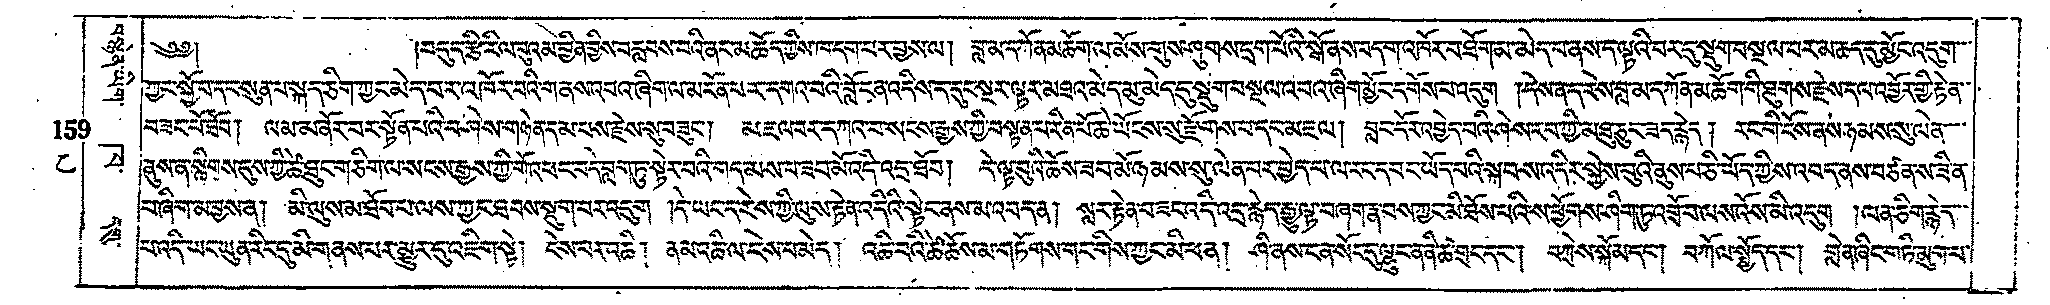༄༅། །བདུད་རྩི་རིལ་བུའམ་བྱིན་གྱིས་བརླབས་པའི་ནང་མཆོད་ཀྱིས་ཁ་དག་པར་བྱས་ལ། བླ་མ་དཀོན་མཆོག་ལ་མོས་གུས་ཤུགས་དྲག་པོའི་སྒོ་ནས་བདག་འཁོར་བ་ཐོག་མ་མེད་པ་ནས་ད་ལྟའི་བར་དུ་སྡུག་བསྔལ་བར་མ་ཆད་དུ་མྱོང་འདུག་་་
ཀྱང་སྐྱོ་བ་དང་སུན་པ་སྐད་ཅིག་ཀྱང་མེད་པར་འཁོར་བའི་གནས་འབའ་ཞིག་ལ་མངོན་པར་དགའ་བའི་བློ་ངན་འདིས་ད་དུང་སྔར་ལྟར་མཐའ་མེད་མུ་མེད་དུ་སྡུག་བསྔལ་འབའ་ཞིག་མྱོང་དགོས་པ་འདུག །དེས་ན་ད་རེས་བླ་མ་དཀོན་མཆོག་གི་ཐུགས་རྗེས་དལ་འབྱོར་གྱི་རྟེན་་་
བཟང་པོ་ཐོབ། ལམ་མ་ནོར་བར་སྟོན་པའི་བཤེས་གཉེན་དམ་པས་རྗེས་སུ་བཟུང་། མཇལ་བར་དཀའ་བ་སངས་རྒྱས་ཀྱི་བསྟན་པ་རིན་པོ་ཆེ་ཡོངས་སུ་རྫོགས་པ་དང་མཇལ། བླང་དོར་འབྱེད་པའི་ཤེས་རབ་ཀྱི་མཐུ་ཅུང་ཟད་རྙེད། རང་གི་ངོས་ནས་ཉམས་སུ་ལེན་་་
ནུས་ན་སྙིགས་དུས་ཀྱི་ཚེ་ཐུང་གཅིག་ལ་སངས་རྒྱས་ཀྱི་གོ་འཕང་བདེ་བླག་ཏུ་སྟེར་བའི་གདམས་པ་ཟབ་མོ་འདི་འདྲ་ཐོབ། དེ་ལྟ་བུའི་ཆོས་ཟབ་མོ་ཉམས་སུ་ལེན་པར་བྱེད་པ་ལ་རང་དབང་ཡོད་པའི་སྐབས་འདིར་སྐྱེས་བུའི་ནུས་པ་ཅི་ཡོད་ཀྱིས་འབད་ནས་བཙན་ས་ཟིན་
པ་ཞིག་མ་བྱས་ན། མི་ལུས་མ་ཐོབ་པ་ལས་ཀྱང་ཐབས་སྡུག་པར་འདུག །དེ་ཡང་ད་རེས་ཀྱི་ལུས་རྟེན་འདིའི་སྟེང་ནས་མ་འབད་ན། སླར་རྟེན་བཟང་འདི་འདྲ་རྙེད་རྒྱུ་ལྟ་བཞག་རྣ་བས་ཀྱང་མི་ཐོས་པའི་ས་ཕྱོགས་ཤིག་ཏུ་འགྲོ་བ་ལས་འོས་མི་འདུག །ལན་ཅིག་རྙེད་་་
པ་འདི་ཡང་ཡུན་རིང་དུ་མི་གནས་པར་མྱུར་དུ་འཇིག་སྟེ། ངེས་པར་འཆི། ནམ་འཆི་ལ་ངེས་པ་མེད། འཆི་བའི་ཚེ་ཆོས་མ་གཏོགས་གང་གིས་ཀྱང་མི་ཕན། ཤི་ནས་ངན་སོང་དུ་ལྷུང་ན་ནི་ཚ་གྲང་དང་། བཀྲེས་སྐོམ་དང་། བཀོལ་སྤྱོད་དང་། གླེན་ཞིང་གཏི་མུག་པ་